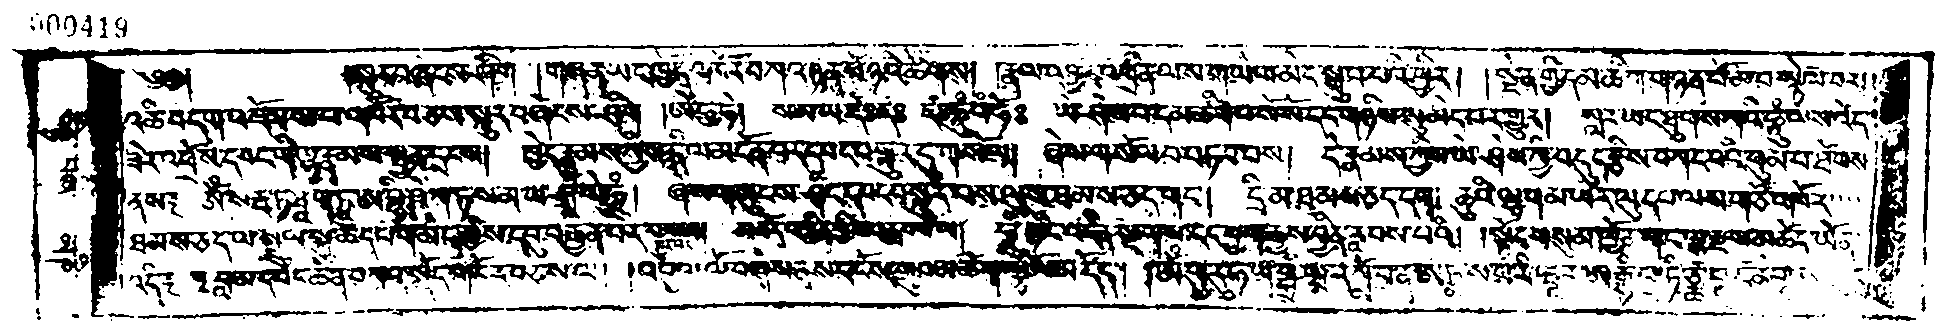༄༅། །སྐུར་བཞེངས་ཤིག །གཞན་ཡང་ཁྱོད་འཁོར་བཀའ་ཉན་ཕོ་ཉའི་ཚོགས། །རྣལ་འབྱོར་འཕྲིན་ལས་གཡེལ་མེད་སྒྲུབ་པའི་ཕྱིར། །སྔོན་གྱི་དམ་ཚིག་གཉན་ཕོ་མ་བསྙེལ་བར། །
འཆི་བདག་འཇོམས་པ་འཁོར་བཅས་སྐུར་བཞེངས་ཤིག །ཨེ་ཧྱ་ཧེ། ས་མ་ཡ་ཛཿ ཛཿ ཛཿ ཧཱུཾ་བཾ་ཧོཿ ཡེ་ཤེས་པ་དམ་ཚིག་པ་སོ་སོ་དང་གཉིས་སུ་མེད་པར་གྱུར། སླར་ཡང་ཐུགས་ཀའི་ཧཱུཾ་ལས་འོད་
ཟེར་འཕྲོས་དབང་གི་ལྷ་རྣམས་སྤྱན་དྲངས། ཁྱེད་རྣམས་ཀྱིས་འདི་ལ་མངོན་པར་དབང་བསྐུར་དུ་གསོལ། ཞེས་གསོལ་བ་བཏབ་པས། དེ་རྣམས་ཀྱིས་ཡེ་ཤེས་ཀྱི་བདུད་རྩིས་བཀང་བའི་བུམ་པ་ཐོགས་
ནས༑ ཨོཾ་སརྦ་ཏ་ཐཱ་ག་ཏཱ་ཨབྷི་ཥེ་ཀ་ཏ་ས་མ་ཡ་ཤྲཱི་ཡེ་ཧཱུཾ། ཞེས་གསུངས་ཤིང་དབང་བསྐུར་བས་ལུས་ཐམས་ཅད་གང་། དྲི་མ་ཐམས་ཅད་དག །ཆུའི་ལྷག་མ་ཡར་ལུད་པ་ལས་གཙོ་འཁོར་
ཐམས་ཅད་ལ་སྤྲུལ་སྐུ་ཚེ་དཔག་མེད་ཀྱིས་དབུ་བརྒྱན་པར་གྱུར་བར་བསམ། མཆོད་པ་བྱིན་གྱིས་བརླབས་ལ།  ཧཱུཾ་ཏིང་འཛིན་སྔགས་དང་ཕྱག་རྒྱས་བྱིན་རླབས་པའི། །སྟོང་གསུམ་ཁྱོན་གང་ལྷ་རྫས་མཆོད་ཡོན་
འདི༑ ༑བླ་མ་དབང་ཆེན་བཀའ་སྡོད་འཁོར་བཅས་ལ། །འབུལ་ལོ་བཞེས་ནས་དངོས་གྲུབ་མཆོག་སྩོལ་མཛོད། །ཨོཾ་གུ་རུ་ཧ་ཡ་གྷྲི་ཝར་ཀྨོ་པྲ་ན་ཨཏྨ་ས་པ་རི་ཝཱ་ར་ཨརྒྷཾ་པྲ་ཏི་ཙྪ་པཱུ་ཛ་མེགྷ་ས་མུ་དྲ་